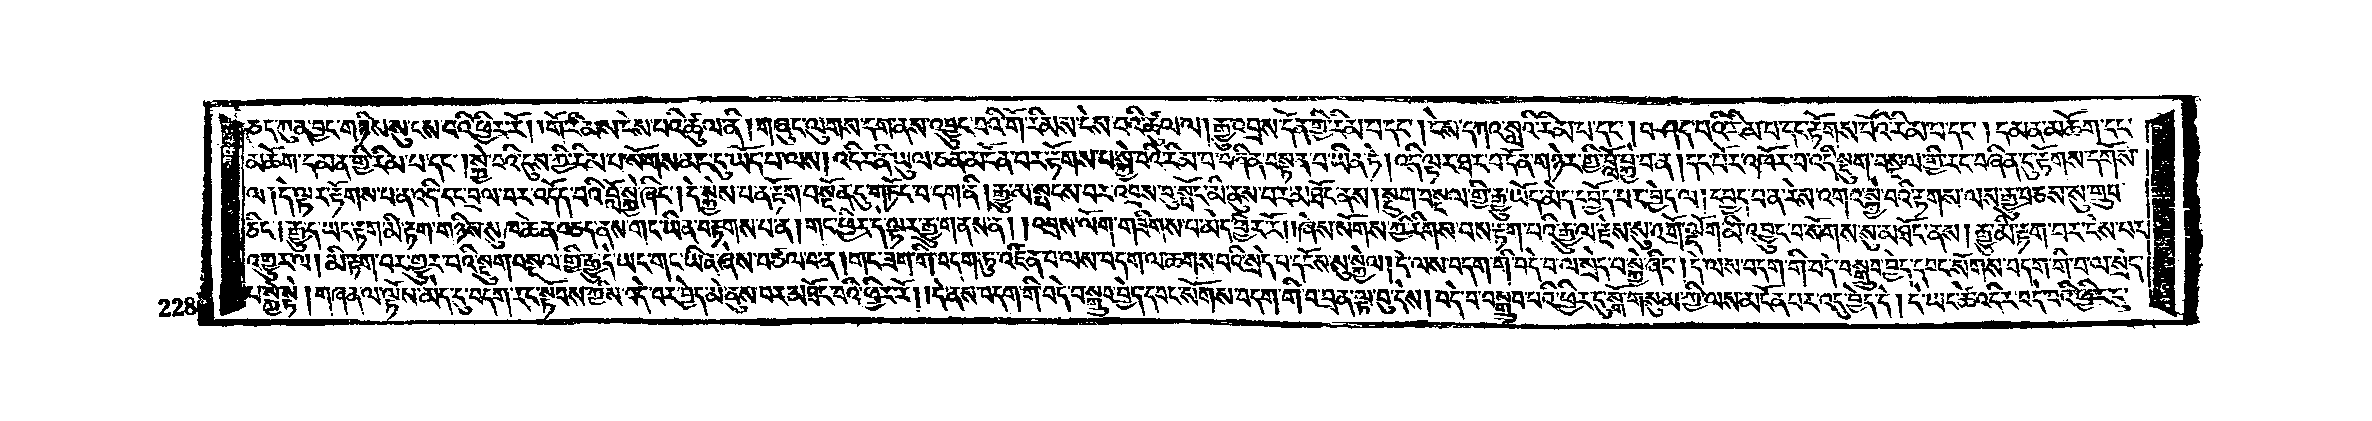ཅད་ཀུན་བྱང་?་གཉིས་སུ་ངེས་པའི་ཕྱིར་རོ། །གོ་རིམས་ངེས་པའི་ཚུལ་ནི། གཞུང་ལུགས་དག་ནས་འབྱུང་བའི་གོ་རིམས་ངེས་པའི་ཚུལ་ལ། རྒྱུ་འབྲས་དོན་གྱི་རིམ་པ་དང་། ངེས་དཀའ་སླའི་རིམ་པ་དང་། བཤད་པའི་རིམ་པ་དང་རྟོགས་པའི་རིམ་པ་དང་། དམན་མཆོག་དང་
མཆོག་དམན་གྱི་རིམ་པ་དང་། སྐྱེ་བའི་དུས་ཀྱི་རིམ་པ་སོགས་མང་དུ་ཡོད་པ་ལས། འདིར་ནི་ཡུལ་ཅན་མངོན་པར་རྟོགས་པ་སྐྱེ་བའི་རིམ་པ་བཞིན་བསྟན་པ་ཡིན་ཏེ། འདི་ལྟར་ཐར་བ་དོན་གཉེར་གྱི་བློ་སྐྱེ་བ་ན། དང་པོར་འཁོར་བ་འདི་སྡུག་བསྔལ་གྱི་རང་བཞིན་དུ་རྟོགས་དགོས་
ལ། དེ་ལྟར་རྟོགས་པ་ན་འདི་དང་བྲལ་བར་འདོད་པའི་བློ་སྐྱེ་ཞིང་། དེ་སྐྱེས་པ་ན་རྟོག་པ་སྔོན་དུ་གཏོང་བ་དག་ནི། རྒྱུ་མ་སྤངས་པར་འབྲས་བུ་སྤོང་མི་ནུས་པར་མཐོང་ནས། སྡུག་བསྔལ་གྱི་རྒྱུ་ཡོད་མེད་དཔྱོད་པར་བྱེད་ལ། དཔྱད་པ་ན་རེས་འགའ་སྐྱེ་བའི་རྟགས་ལས་རྒྱུ་བཅས་སུ་གྲུབ་
ཅིང་། རྒྱུད་ཡང་རྟག་མི་རྟག་གཉིས་སུ་ཁ་ཆེན་བཅད་ནས་གང་ཡིན་བརྟགས་པ་ན། གང་ཕྱིར་དེ་ལྟར་རྒྱུ་གནས་ན། །འབྲས་ལོག་གཟིགས་པ་མེད་ཕྱིར་རོ། །ཞེས་སོགས་ཀྱི་རིགས་པས་རྟག་པའི་རྒྱུ་ལ་རྗེས་སུ་འགྲོ་ལྡོག་མི་འབྱུང་བ་སོགས་སུ་མཐོང་ནས། རྒྱུ་མི་རྟག་པར་ངེས་པར་
འགྱུར་ལ། མི་རྟག་པར་གྱུར་པའི་སྡུག་བསྔལ་གྱི་རྒྱུ་དེ་ཡང་གང་ཡིན་ཞེས་བཙལ་བ་ན། གང་ཟག་གི་བདག་ཏུ་འཛིན་པ་ལས་བདག་ལ་ཆགས་པའི་སྲིད་པ་དངོས་སུ་སྐྱེལ། དེ་ལས་བདག་གི་བདེ་བ་ལ་སྲིད་པ་སྐྱེ་ཞིང་། དེ་ལས་བདག་གི་བདེ་བ་སྒྲུབ་བྱེད་དབང་སོགས་བདག་གི་བ་ལ་སྲིད་
པ་སྐྱེ་སྟེ། གཞན་ལ་ལྟོས་མེད་དུ་བདག་རང་སྟོབས་ཀྱིས་བདེ་བར་བྱེད་མི་ནུས་པར་མཐོང་བའི་ཕྱིར་རོ། །དེ་ནས་བདག་གི་བདེ་བ་སྒྲུབ་བྱེད་དབང་སོགས་བདག་གི་བ་བྲན་ལྟ་བུ་དེས། བདེ་བ་བསྒྲུབ་པའི་ཕྱིར་དུ་སྒོ་གསུམ་གྱི་ལས་མངོན་པར་འདུ་བྱེད་དེ། དེ་ཡང་ཚེ་འདིར་བདེ་བའི་ཕྱིར་དུ་